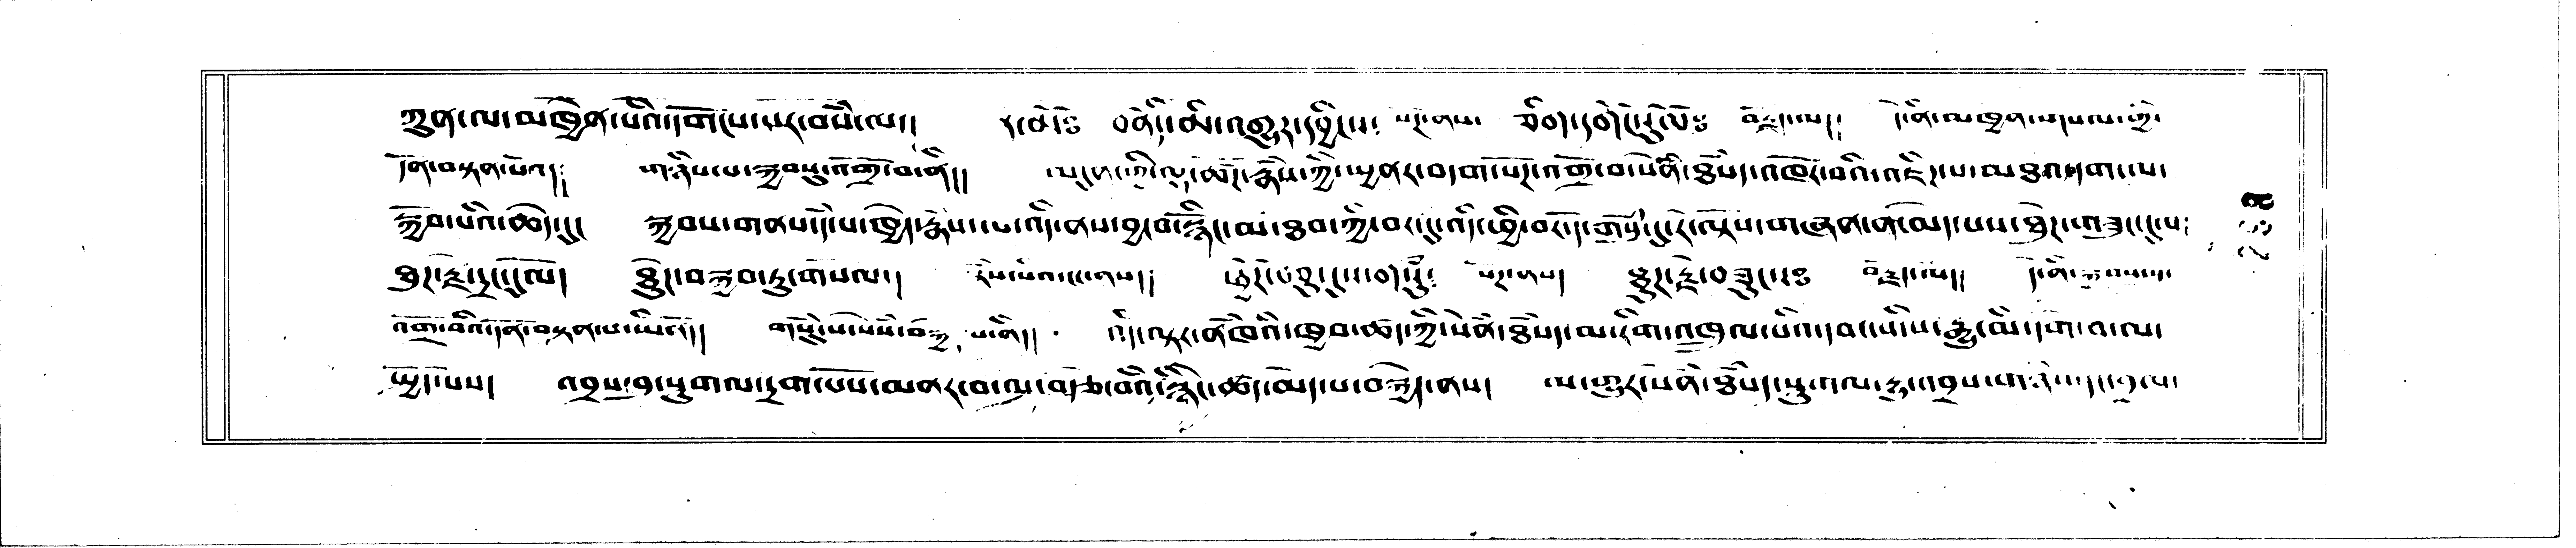ཀུན་ལ་མཁྱེན་པས་དགོངས་པར་བསམ་ལ། ན་མོ། བོན་ཉིད་མི་འགྱུར་དབྱིངས། སོགས་ནས། ཅིག་དགོངས་སུ་གསོལ། བརྗོད་ལ། དེ་ནི་མཁྱེན་གསོལ་གྱི་
དོན་བསྟན་པའོ། །གཉིས་པ་སྐྱབས་སུ་འགྲོ་བ་ནི། མདུན་གྱི་ལྷ་ཚོགས་རྣམས་ཀྱི་སྤྱན་སྔར་བདག་སོགས་འགྲོ་བ་སེམས་ཅན་ཐམས་ཅད་འཁོར་བའི་འཇིགས་པ་མཐའ་དག་ལས་
སྐྱོབས་པའི་ཆེད་དུ། སྐྱབས་གནས་དམ་པ་ཁྱེད་རྣམས་ལ་འདི་ནས་བྱང་ཆུབ་སྙིང་པོ་མ་ཐོབ་ཀྱི་བར་དུ་འདི་ཕྱི་བར་དོ་གསུམ་དུ་རེ་ལྟོས་གཞན་ན་མེད་པས། ཐུགས་རྗེས་བཟུང་དུ་གསོལ། 
ཐུགས་རྗེས་དྲང་དུ་གསོལ། ཐུགས་རྗེས་བསྐྱབ་ཏུ་གསོལ། ཞེས་པའི་ངང་ནས། ཕྱོགས་བཅུ་དུས་གསུམ། སོགས་ནས། ཐུགས་རྗེས་ཟུངས། བརྗོད་ལ། དེ་ནི་སྐྱབས་སུ་
འགྲོ་བའི་དོན་བསྟན་པ་ཡིན་ནོ། གསུམ་པ་སེམས་བསྐྱེད་ནི། འདི་ལྟར་ནམ་མཁས་ཁྱབ་ཚད་ཀྱི་སེམས་ཅན་ཐམས་ཅད་མ་རིག་འཁྲུལ་པའི་དབང་གིས་རྒྱུ་མི་དགེ་བ་ལ་
སྤྱོད་པས། འབྲས་བུ་སྡུག་བསྔལ་དྲག་པོས་མནར་བ་ལ་བརྩེ་བའི་སྙིང་རྗེ་ཚད་མེད་པ་བསྐྱེད་ནས། མ་གྱུར་སེམས་ཅན་ཐམས་ཅད་སྡུག་བསྔལ་རྒྱུ་འབྲས་གཉིས་དང་བྲལ་